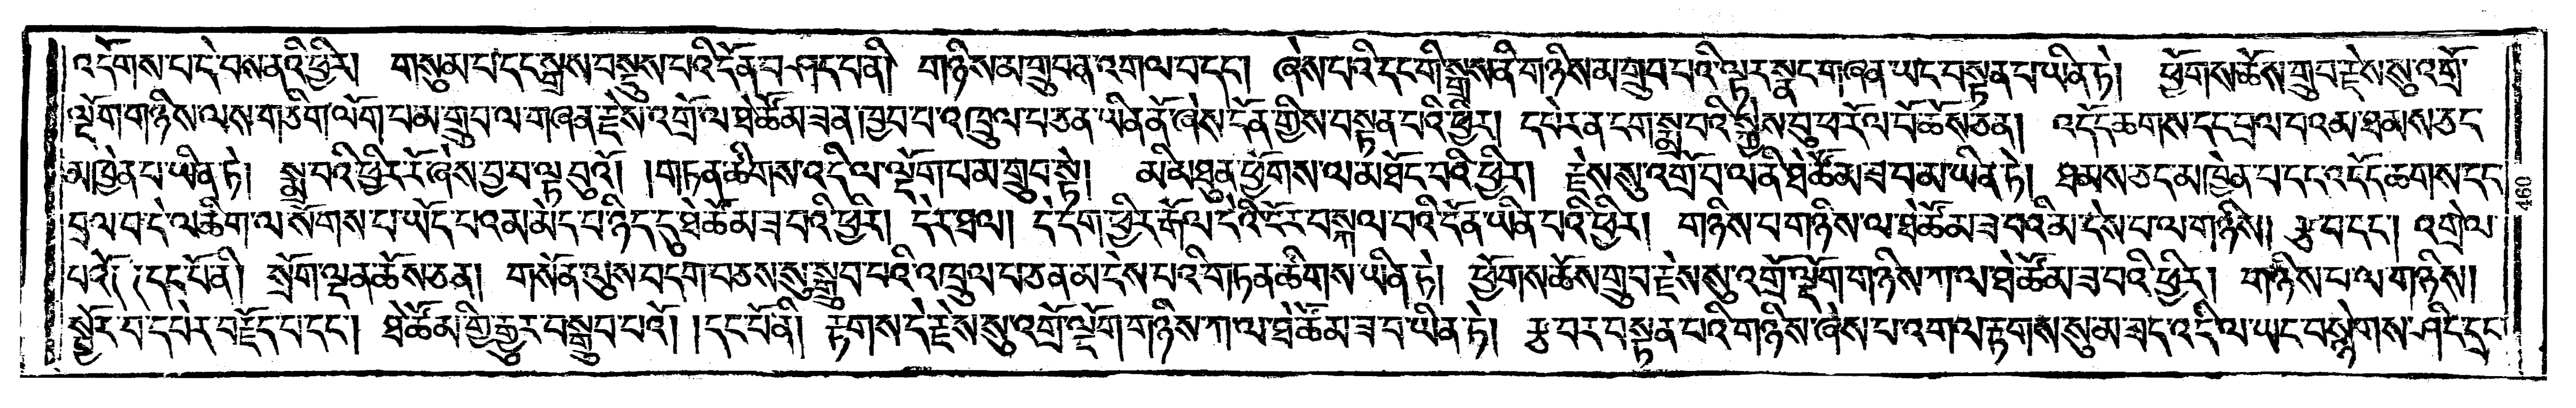འདོགས་པ་དེ་བས་ནའི་ཕྱིར། གསུམ་པ་དང་སྒྲས་བསྡུས་པའི་དོན་བཤད་པ་ནི། གཉིས་མ་གྲུབ་ན་འགལ་བ་དང་། ཞེས་པའི་དང་གི་སྒྲས་ནི་གཉིས་མ་གྲུབ་པའི་ལྟར་སྣང་གཞན་ཡང་བསྟན་པ་ཡིན་ཏེ། ཕྱོགས་ཆོས་གྲུབ་རྗེས་སུ་འགྲོ་
ལྡོག་གཉིས་ལས་གཅིག་ལོག་པ་མ་གྲུབ་ལ་གཞན་རྗེས་འགྲོ་ལ་ཐེ་ཚོམ་ཟ་ན་ཁྱབ་པ་འཁྲུལ་པ་ཅན་ཡིན་ནོ་ཞེས་དོན་གྱིས་བསྟན་པའི་ཕྱིར། དཔེར་ན་དག་སྨྲ་བའི་སྐྱེས་བུ་ཕ་རོལ་པོ་ཆོས་ཅན། འདོད་ཆགས་དང་བྲལ་བའམ་ཐམས་ཅད་
མཁྱེན་པ་ཡིན་ཏེ། སྨྲ་བའི་ཕྱིར་རོ་ཞེས་བྱ་བ་ལྟ་བུའོ། །གཏན་ཚིགས་འདི་ལ་ལྡོག་པ་མ་གྲུབ་སྟེ། མི་མཐུན་ཕྱོགས་ལ་མཐོང་བའི་ཕྱིར། རྗེས་སུ་འགྲོ་བ་ལ་ནི་ཐེ་ཚོམ་ཟ་བ་མ་ཡིན་ཏེ། ཐམས་ཅད་མཁྱེན་པ་དང་འདོད་ཆགས་དང་
བྲལ་བ་དེ་ལ་ཚིག་ལ་སོགས་པ་ཡོད་པའམ་མེད་པ་ཉིད་དུ་ཐེ་ཚོམ་ཟ་བའི་ཕྱིར། དེར་ཐལ། དེ་དག་ཕྱིར་རྒོལ་དེའི་ངོར་བསྐལ་བའི་དོན་ཡིན་པའི་ཕྱིར། གཉིས་པ་གཉིས་ལ་ཐེ་ཚོམ་ཟ་བའི་མ་དེས་པ་ལ་གཉིས། རྩ་བ་དང་། འགྲེལ་
པའོ༑ ༑དང་པོ་ནི། སྲོག་ལྡན་ཆོས་ཅན། གསོན་ལུས་བདག་བཅས་སུ་སྒྲུབ་པའི་འཁྲུལ་པ་ཅན་མ་ངེས་པའི་གཏན་ཚིགས་ཡིན་ཏེ། ཕྱོགས་ཆོས་གྲུབ་རྗེས་སུ་འགྲོ་ལྡོག་གཉིས་ཀ་ལ་ཐེ་ཚོམ་ཟ་བའི་ཕྱིར། གཉིས་པ་ལ་གཉིས།
སྦྱོར་བ་དཔེར་བརྗོད་པ་དང་། ཐེ་ཚོམ་གྱི་རྒྱུར་བསྒྲུབ་པའོ། །དང་པོ་ནི། རྟགས་དེ་རྗེས་སུ་འགྲོ་ལྡོག་གཉིས་ཀ་ལ་ཐེ་ཚོམ་ཟ་བ་ཡིན་ཏེ། རྩ་བར་བསྟན་པའི་གཉིས་ཞེས་པ་འགལ་རྟགས་སུ་མ་ཟད་འདི་ལ་ཡང་བསྙེགས་ཤིང་དྲང་